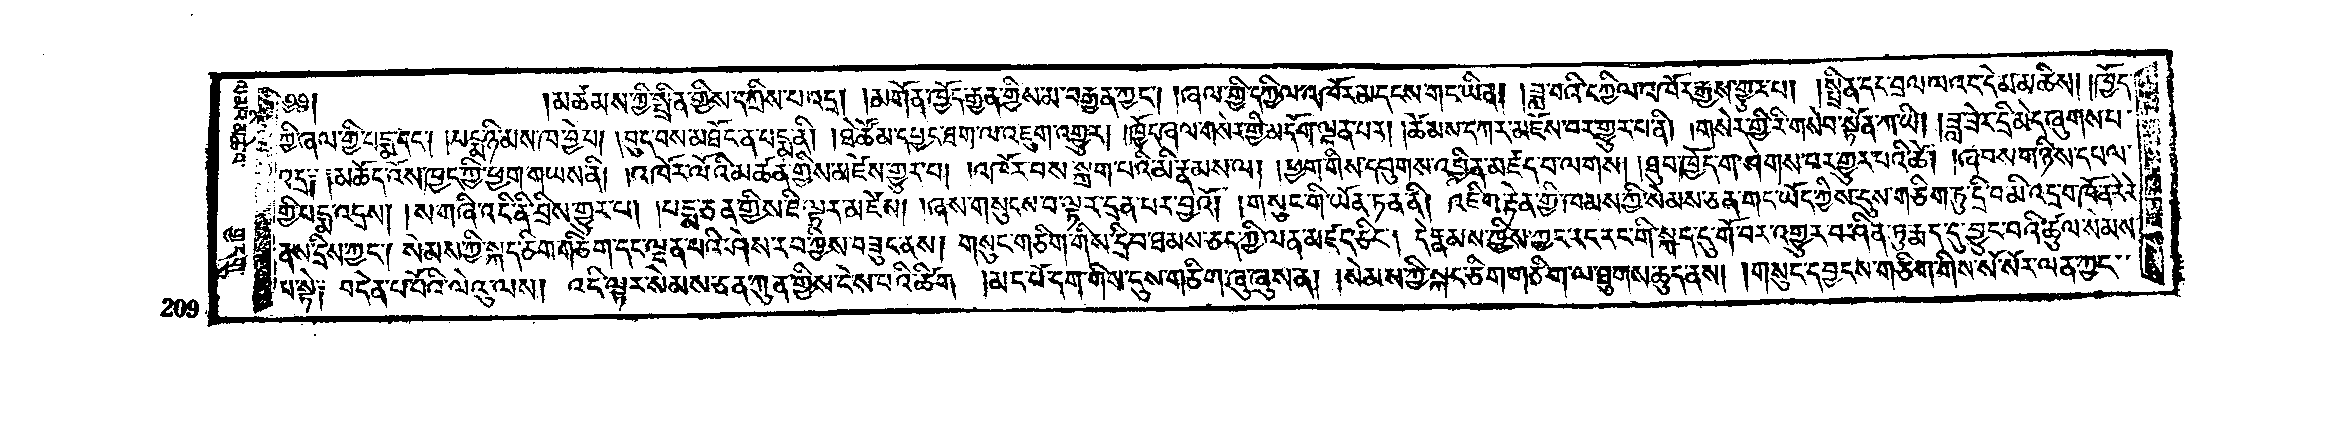༄༅། །མཚམས་ཀྱི་སྤྲིན་གྱིས་དཀྲིས་པ་འདྲ། །མགོན་ཁྱོད་རྒྱན་གྱིས་མ་བརྒྱན་ཀྱང་། །ཞལ་གྱི་དཀྱིལ་འཁོར་མདངས་གང་ཡིན། །ཟླ་བའི་དཀྱིལ་འཁོར་རྒྱས་གྱུར་པ། །སྤྲིན་དང་བྲལ་ལའང་དེ་མ་མཆིས། །ཁྱོད་
ཀྱི་ཞལ་གྱི་པདམ་དང་། །པདམ་ཉི་མས་ཁ་བྱེ་བ། །བུང་བས་མཐོང་ན་པདམ་ནི། །ཐེ་ཚོམ་དཔྱང་ཐག་ལ་འཇུག་འགྱུར། །ཁྱོད་ཞལ་གསེར་གྱི་མདོག་ལྡན་པར། །ཚེམས་དཀར་མཛེས་པར་གྱུར་པ་ནི། །གསེར་གྱི་རི་གསེབ་སྟོན་ཀ་ཡི། །ཟླ་ཟེར་དྲི་མེད་ཞུགས་པ་
འདྲ༑ ༑མཆོད་འོས་ཁྱོད་ཀྱི་ཕྱག་གཡས་ནི། །འཁོར་ལོའི་མཚན་གྱིས་མཛེས་གྱུར་པ། །འཁོར་བས་སྐྲག་པའི་མི་རྣམས་ལ། །ཕྱག་གིས་དབུགས་འབྱིན་མཛད་པ་ལགས། །ཐུབ་ཁྱོད་གཤེགས་པར་གྱུར་པའི་ཚེ། །ཞབས་གཉིས་དཔལ་
གྱི་པདམ་འདྲས། །ས་གཞི་འདི་ནི་བྲིས་གྱུར་པ། །པདམ་ཅན་གྱིས་ཇི་ལྟར་མཛེས། །ཞེས་གསུངས་པ་ལྟར་དྲན་པར་བྱའོ། །གསུང་གི་ཡོན་ཏན་ནི། འཇིག་རྟེན་གྱི་ཁམས་ཀྱི་སེམས་ཅན་གང་ཡོད་ཀྱིས་དུས་གཅིག་ཏུ་དྲི་བ་མི་འདྲ་བ་ཁོ་ན་རེ་རེ་
ནས་དྲིས་ཀྱང་། སེམས་ཀྱི་སྐད་ཅིག་གཅིག་དང་ལྡན་པའི་ཤེས་རབ་ཀྱིས་བཟུང་ནས། གསུང་གཅིག་གིས་དྲི་བ་ཐམས་ཅད་ཀྱི་ལན་མཛད་ཅིང་། དེ་རྣམས་ཀྱིས་ཀྱང་རང་རང་གི་སྐད་དུ་གོ་བར་འགྱུར་བ་ཤིན་ཏུ་རྨད་དུ་བྱུང་བའི་ཚུལ་སེམས་
པ་སྟེ༑ བདེན་པ་པོའི་ལེའུ་ལས། འདི་ལྟར་སེམས་ཅན་ཀུན་གྱིས་ངེས་པའི་ཚིག །མང་པོ་དག་གིས་དུས་གཅིག་ཞུ་ཞུས་ན། །སེམས་ཀྱི་སྐད་ཅིག་གཅིག་ལ་ཐུགས་ཆུད་ནས། །གསུང་དབྱངས་གཅིག་གིས་སོ་སོར་ལན་ཀྱང་